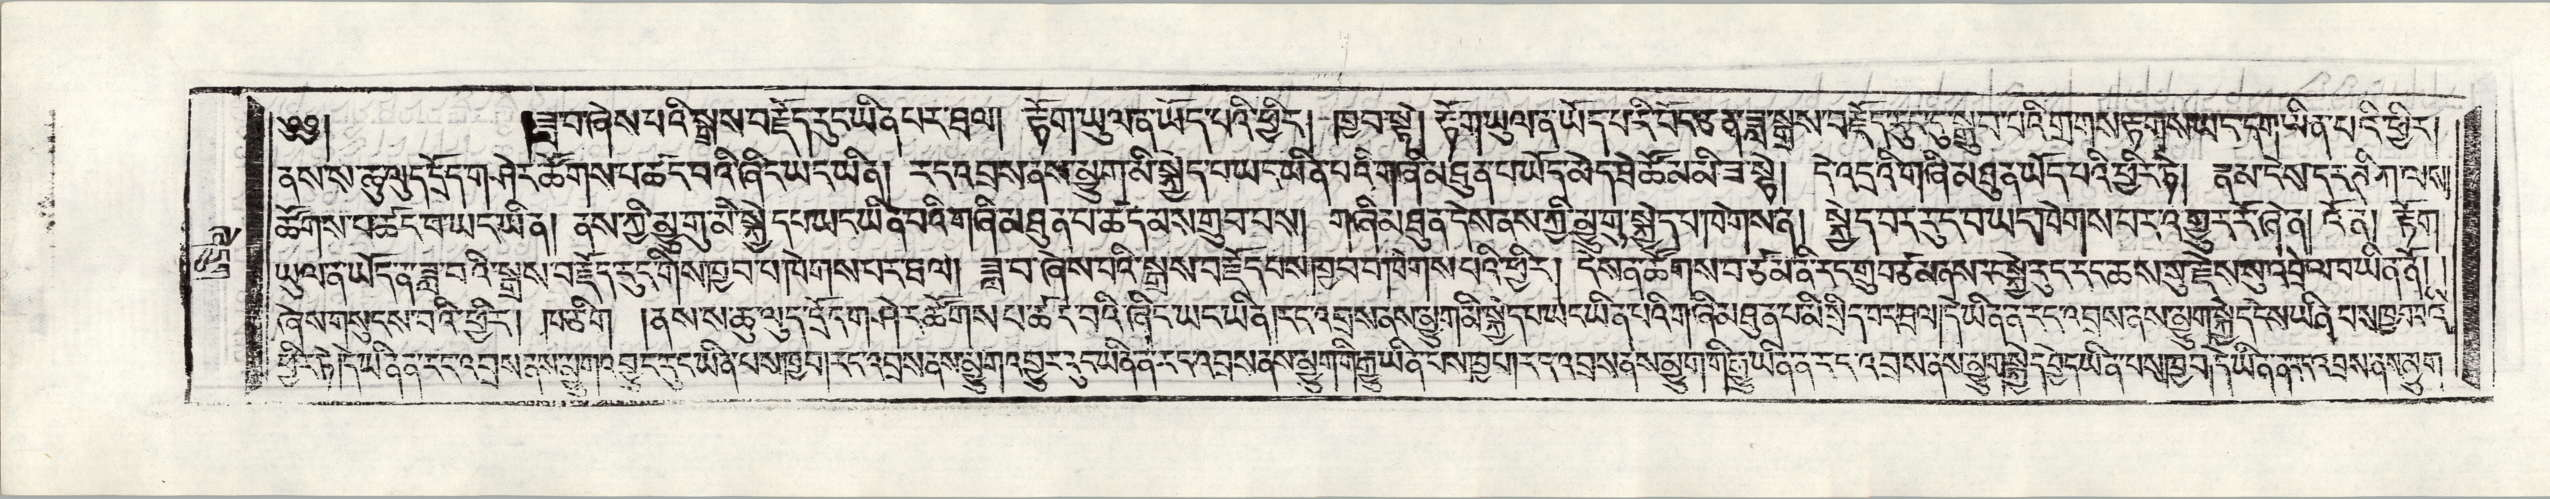༄༅། །ཟླ་བ་ཞེས་པའི་སྒྲས་བརྗོད་རུང་ཡིན་པར་ཐལ། རྟོག་ཡུལ་ན་ཡོད་པའི་ཕྱིར། ཁྱབ་སྟེ། རྟོག་ཡུལ་ན་ཡོད་པ་རི་བོང་ཅན་ཟླ་སྒྲས་བརྗོད་རུང་དུ་སྒྲུབ་པའི་གྲགས་རྟགས་ཡང་དག་ཡིན་པའི་ཕྱིར།
ནས་ས་ཆུ་ལུད་དྲོད་གཤེར་ཚོགས་པ་ཚང་བའི་ཞིང་ཡང་ཡིན། རང་འབྲས་ནས་མྱུག་མི་སྐྱེད་པ་ཡང་ཡིན་པའི་གཞི་མཐུན་པ་ཡོད་མེད་ཐེ་ཚོམ་མི་ཟ་སྟེ། དེ་འདྲའི་གཞི་མཐུན་ཡོད་པའི་ཕྱིར་ཏེ། རྣམ་ངེས་དར་ཊིཀ་ལས།
ཚོགས་པ་ཚང་བ་ཡང་ཡིན། ནས་ཀྱི་མྱུ་གུ་མི་སྐྱེད་པ་ཡང་ཡིན་པའི་གཞི་མཐུན་པ་ཚད་མས་གྲུབ་པས། གཞི་མཐུན་དེས་ནས་ཀྱི་མྱུ་གུ་སྐྱེད་པ་ཁེགས་ན། སྐྱེད་པར་རུང་བ་ཡང་ཁེགས་པར་འགྱུར་རོ་ཞེ་ན། འོ་ན། རྟོག་
ཡུལ་ན་ཡོད་ན་ཟླ་བའི་སྒྲས་བརྗོད་རུང་གི་ཁྱབ་པ་ཁེགས་པར་ཐལ། ཟླ་བ་ཞེས་པའི་སྒྲས་བརྗོད་པས་ཁྱབ་པ་ཁེགས་པའི་ཕྱིར། དེས་ན་ཚོགས་པ་ཙམ་ནི་རང་གྲུབ་ཙམ་ནས་རང་སྐྱེ་རུང་རང་ཆས་སུ་རྗེས་སུ་འབྲེལ་བ་ཡིན་ནོ།།
ཞེས་གསུངས་པའི་ཕྱིར། ཁ་ཅིག །ནས་ས་ཆུ་ལུད་དྲོད་གཤེར་ཚོགས་པ་ཚང་བའི་ཞིང་ཡང་ཡིན་།རང་འབྲས་ནས་མྱུག་མི་སྐྱེད་པ་ཡང་ཡིན་པའི་གཞི་མཐུན་པ་མི་སྲིད་པར་ཐལ། དེ་ཡིན་ན་རང་འབྲས་ནས་མྱུག་སྐྱེད་ངེས་ཡིན་པས་ཁྱབ་པའི་
ཕྱིར་ཏེ། དེ་ཡིན་ན་རང་འབྲས་ནས་མྱུག་འབྱུང་རུང་ཡིན་པས་ཁྱབ། རང་འབྲས་ནས་མྱུག་འབྱུང་རུང་ཡིན་ན་རང་འབྲས་ནས་མྱུག་གི་རྒྱུ་ཡིན་པས་ཁྱབ། རང་འབྲས་ནས་མྱུག་གི་རྒྱུ་ཡིན་ན་རང་འབྲས་ནས་མྱུག་སྐྱེད་བྱེད་ཡིན་པས་ཁྱབ། དེ་ཡིན་ན་རང་འབྲས་ནས་མྱུག་